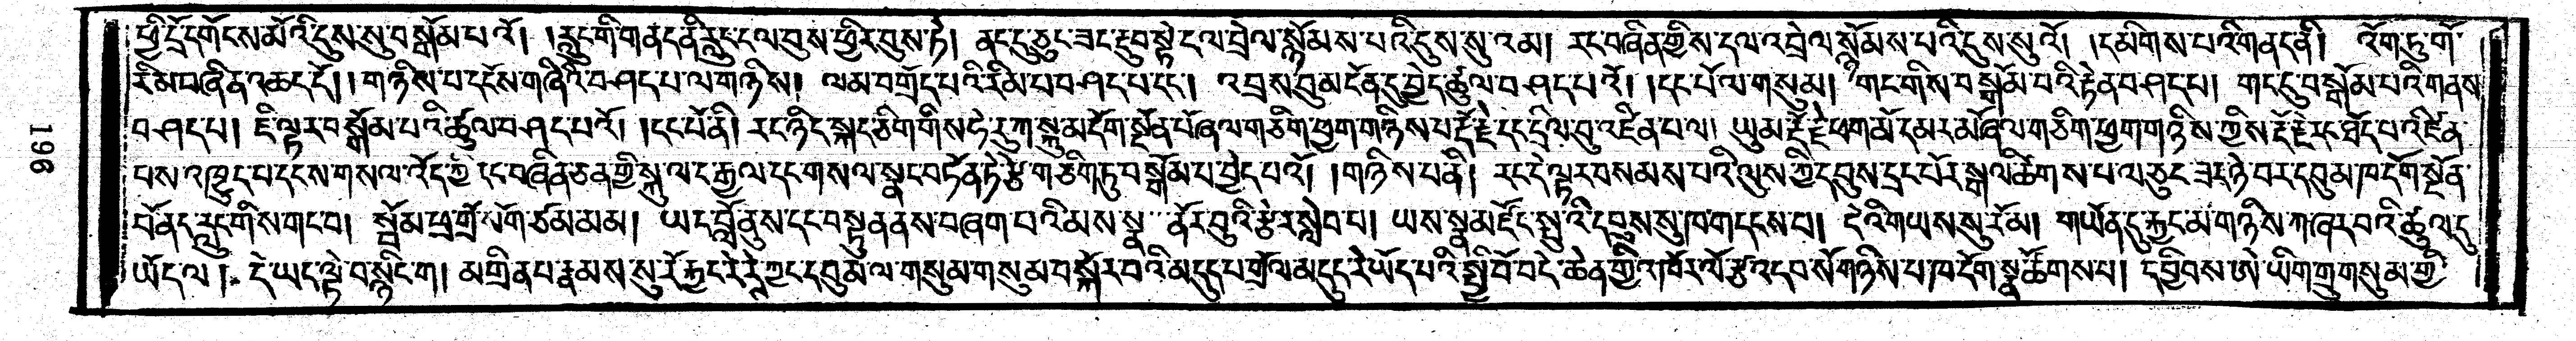ཕྱི་དྲོ་དགོངས་མོའི་དུས་སུ་བསྒོམ་པའོ། །རླུང་གི་གནད་ནི་རླུང་ངལ་བུས་ཕྱིར་བུས་ཏེ། ནང་དུ་ཅུང་ཟང་རྡུབ་སྟེ་དལ་བྲེལ་སྙོམས་པའི་དུས་སུ་འམ། རང་བཞིན་གྱིས་དལ་འབྲེལ་སྙོམས་པའི་དུས་སུའོ། །དམིགས་པའི་གནད་ནི། འོག་ཏུ་གོ་
རིམ་བཞིན་འཆད་དོ། །གཉིས་པ་དངོས་གཞིའི་བཤད་པ་ལ་གཉིས། ལམ་བགྲོད་པའི་རིམ་པ་བཤད་པ་དང་། འབྲས་བུ་མངོན་དུ་བྱེད་ཚུལ་བཤད་པའོ། །དང་པོ་ལ་གསུམ། གང་གིས་བསྒོམ་པའི་རྟེན་བཤད་པ། གང་དུ་བསྒོམ་པའི་གནས་
བཤད་པ། ཇི་ལྟར་བསྒོམ་པའི་ཚུལ་བཤད་པའོ། །དང་པོ་ནི། རང་གཉིད་སྐད་ཅིག་གིས་ཧེ་རུ་ཀ་སྐུ་མདོག་སྔོན་པོ་ཞལ་གཅིག་ཕྱག་གཉིས་པ་རྡོ་རྗེ་དང་དྲིལ་བུ་འཛིན་པ་ལ། ཡུམ་རྡོ་རྗེ་ཕག་མོ་དམར་མོ་ཞལ་གཅིག་ཕྱག་གཉིས་ཀྱིས་རྡོ་རྗེ་རང་ཐོད་པ་འཛིན་
བས་འཁྱུད་པ་དངས་གསལ་འོད་ཀྱི་དད་བཞིན་ཅན་གྱི་སྐུ་ལ་ང་རྒྱལ་དང་གསལ་སྣང་བཏོན་ཏེ་རྩེ་གཅིག་ཏུ་བསྒོམ་པ་བྱེད་པའོ། །གཉིས་པ་ནི། རང་དེ་ལྟར་བསམས་པའི་ལུས་ཀྱི་དབུས་དྲང་པོར་སྒལ་ཚིགས་པ་ལ་ཅུང་ཟར་ཉེ་བར་དབུམ་ཁ་དོག་སྔོན་
བོ་ནད་རླུང་གིས་གང་བ། སྦོམ་ཕྲ་གྲོ་སོག་ཙམ་མམ། ཡང་བློ་ནུས་དང་བསྟུན་ནས་བཞག་པའི་མས་སྣ་ནོར་བུའི་རྩེར་སླེབ་པ། ཡས་སྣ་མཛོད་སྤུའི་དབུས་སུ་ཁ་གདངས་པ། དེའི་གཡས་སུ་རོ་མ། གཡོན་དུ་རྐྱང་མ་གཉིས་ཀ་ཞར་བའི་ཚུལ་དུ་
ཡོད་ལ། དེ་ཡང་ལྟེ་བ་སྙིང་ག། མགྲིན་པ་རྣམས་སུ་རོ་རྐྱང་རེ་རེས་ཀྱང་དབུམ་ལ་གསུམ་གསུམ་བསྐོར་བའི་མདུད་པ་གྲོལ་མདུང་རེ་ཡོད་པའི་སྤྱི་བོ་བདེ་ཆེན་གྱི་འཁོར་ལོ་རྩ་འདབ་སོ་གཉིས་པ་ཁ་དོག་སྣ་ཚོགས་པ། དབྱིབས་ཨེ་ཡིག་གྲུ་གསུམ་གྱི་